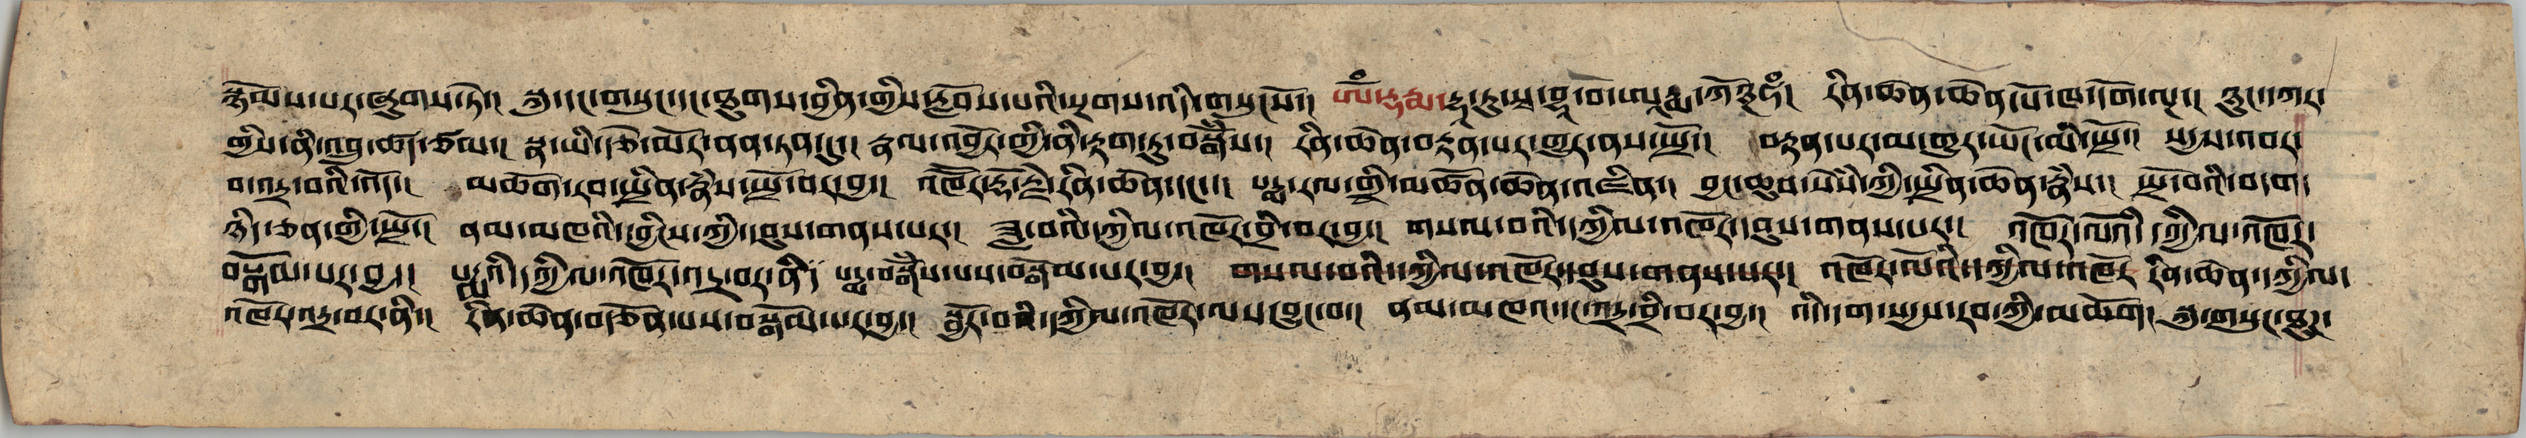སྙོམས་པར་ཞུགས་ཏེ་། སྐུ་དང་གསུང་དང་ཐུགས་བྱིན་གྱིས་རློབས་པའི་སྔགས་འདི་གསུངསོ་། ཨོཾ་དྷརྨ་དྷ་ཏུ་སྭ་བྷཱ་བ་ཨཱརྨ་ཀོ྅ཧཾ། རིན་ཆེན་ཆེན་པོ་ཁ་དོག་ལྔ་། ཉུང་དཀར་
གྱིས་ནི་འབྲུ་ཚད་ཙམ་། སྣ་ཡི་རྩེ་མོར་ནན་ཏན་དུ་། སྣལ་འབྱོར་གྱི་ནི་རྟག་ཏུ་བསྒོཾས་། རིན་ཆེན་བརྟན་པར་གྱུར་ནས་སྤྲོ་། བརྟན་པར་མ་གྱུར་ཡོང་མི་སྤྲོ་། སདྱས་འབར་
བ་འདྲ་བའི་འོད་། མཆོག་རབ་སྤྲིན་རྣཾས་སྤྲོ་བར་བྱ་། འཁཽར་རྡོ་རྗེ་རིན་ཆེན་དང་་། པདྨ་རལ་གྲི་མཚོན་ཆེན་འཛིན་། བྱང་ཆུབ་སེཾས་ཀྱི་སྤྲིན་ཆེན་རྣཾས་། སྤྲོ་བའི་བདག་
ཉིད་ཅན་གྱི་སྤྲོ་། ནམ་མཁའི་དབྱིངས་ཀྱི་དབུས་གནས་པར་། ཟླ་བའི་དཀྱིལ་འཁོར་བྲི་བར་བྱ་། གསལ་བའི་དཀྱིལ་འཁོར་དབུས་གནས་པར་། འཁོར་ལོའི་དཀྱིལ་འཁོར་
བསྒོམ་པར་བྱ་། པདྨའིདཀྱིལ་འཁོར་འདྲ་བར་ནི། པདྨ་བསྒོཾས་པས་བསྒོམ་པར་བྱ་། གསལ་བའི་དཀྱིལ་འཁོར་དབུས་གནས་པར་། འཁོར་ལོའི་དཀྱིལ་འཁོར རིན་ཆེན་དཀྱིལ་།
འཁོར་འདྲ་བར་ནི་། རིན་ཆེན་བརྩོན་པས་བསྒོམ་པར་བྱ་། སྦྱོར་བའི་དཀྱིལ་འཁོར་ལས་བྱུང་བ་། ནམ་མཁའ་དང་འདྲ་བྲི་བར་བྱ་། འདི་དག་སདྱས་རབ་དཀྱི་མཆོག། སྐུ་གསུང་ཐུཌ་